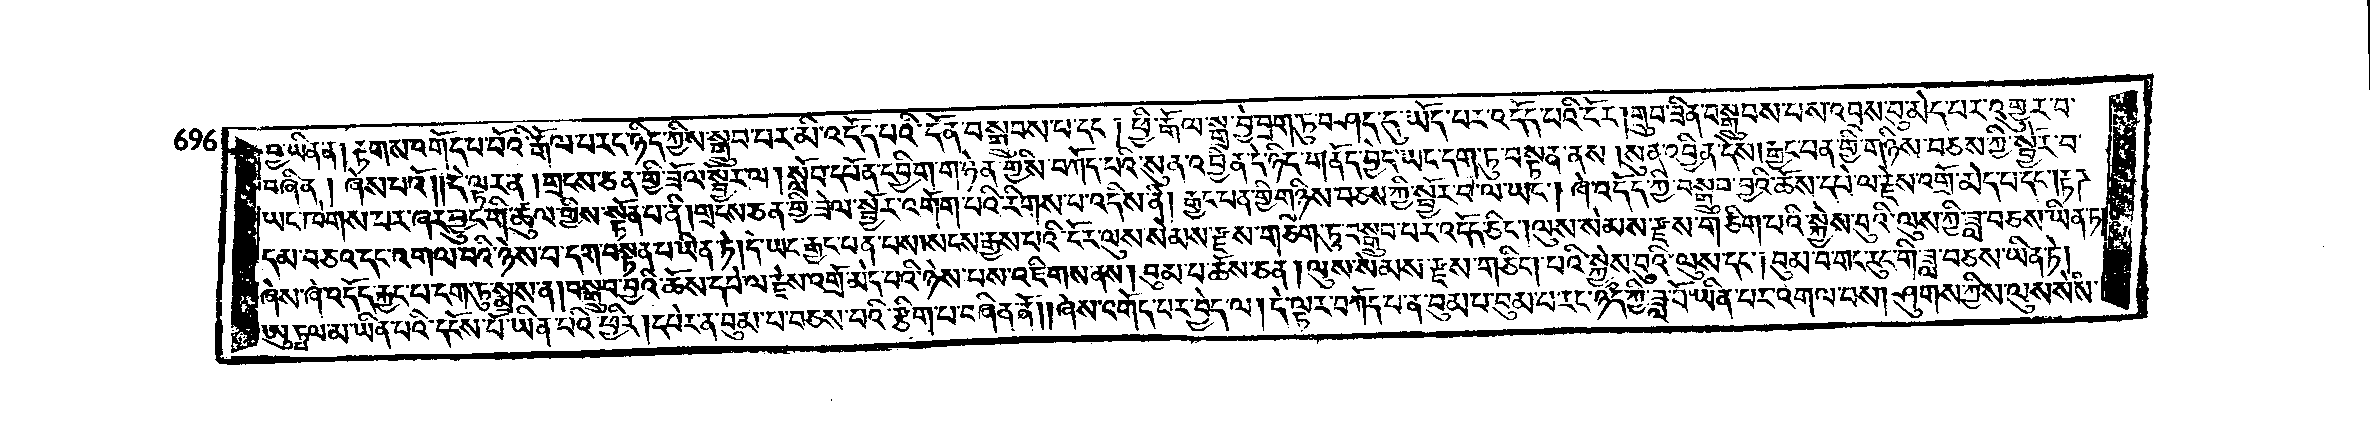བྱ་ཡིན་ན། རྟགས་འགོད་པ་བོའི་རྒོལ་པ་རང་ཉིད་ཀྱིས་སྒྲུབ་པར་མི་འདོད་པའི་དོན་བསྒྲུབས་པ་དང་། ཕྱི་རྒོལ་སྒྲ་བྱེ་བྲག་ཏུ་བཤད་དུ་ཡོད་པར་འདོད་པའི་ངོར། གྲུབ་ཟིན་བསྒྲུབས་པས་འབྲས་བུ་མེད་པར་འགྱུར་བ་
བཞིན། ཞེས་པའོ། །དེ་ལྟར་ན། གྲངས་ཅན་གྱི་ཟོལ་སྦྱོར་ལ། སློབ་དཔོན་དབྱིག་གཉེན་གྱིས་བཀོད་པའི་སུན་འབྱིན་དེ་ཉིད་གནོད་བྱེད་ཡང་དག་ཏུ་བསྟན་ནས། སུན་འབྱིན་དེས། རྒྱང་ཕན་གྱི་གཉིས་བཅས་ཀྱི་སྦྱོར་བ་
ཡང་ཁེགས་པར་ཞར་བྱུང་གི་ཚུལ་གྱིས་སྟོན་པ་ནི། གྲངས་ཅན་གྱི་ཟེལ་སྦྱོར་འགོག་པའི་རིགས་པ་འདིས་ནི། རྒྱང་ཕན་གྱི་གཉིས་བཅས་ཀྱི་སྦྱོར་བ་ལ་ཡང་། ཞེ་འདོད་ཀྱི་བསྒྲུབ་བྱའི་ཆོས་དཔེ་ལ་རྗེས་འགྲོ་མེད་པ་དང་། རྟགས་
དམ་བཅའ་དང་འགལ་བའི་ཉེས་པ་དག་བསྟན་པ་ཡིན་ཏེ། དེ་ཡང་རྒྱང་ཕན་པས། སངས་རྒྱས་པའི་ངོར་ལུས་སེམས་རྫས་གཅིག་ཏུ་བསྒྲུབ་པར་འདོད་ཅིང་། ལུས་སེམས་རྫས་གཅིག་པའི་སྐྱེས་བུའི་ལུས་ཀྱི་ཟླ་བཅས་ཡིན་ཏེ།
ཞེས་ཞེ་འདོད་རྐྱང་པ་དག་ཏུ་སྨྲས་ན། བསྒྲུབ་བྱའི་ཆོས་དཔེ་ལ་རྗེས་འགྲོ་མེད་པའི་ཉེས་པས་འཇིགས་ནས། བུམ་པ་ཆོས་ཅན། ལུས་སེམས་རྫས་གཅིག་པའི་སྐྱེས་བུའི་ལུས་དང་། བུམ་པ་གང་རུང་གི་ཟླ་བཅས་ཡིན་ཏེ།
ཨུཏྤལ་མ་ཡིན་པའི་དངོས་པོ་ཡིན་པའི་ཕྱིར། དཔེར་ན་བུམ་པ་བཅས་པའི་རྩིག་པ་བཞིན་ནོ། །ཞེས་འགོད་པར་བྱེད་ལ། དེ་ལྟར་བཀོད་པ་ན་བུམ་པ་བུམ་པ་རང་ཉིད་ཀྱི་ཟླ་བོ་ཡིན་པར་འགལ་བས། ཤུགས་ཀྱིས་ལུས་སེམས་